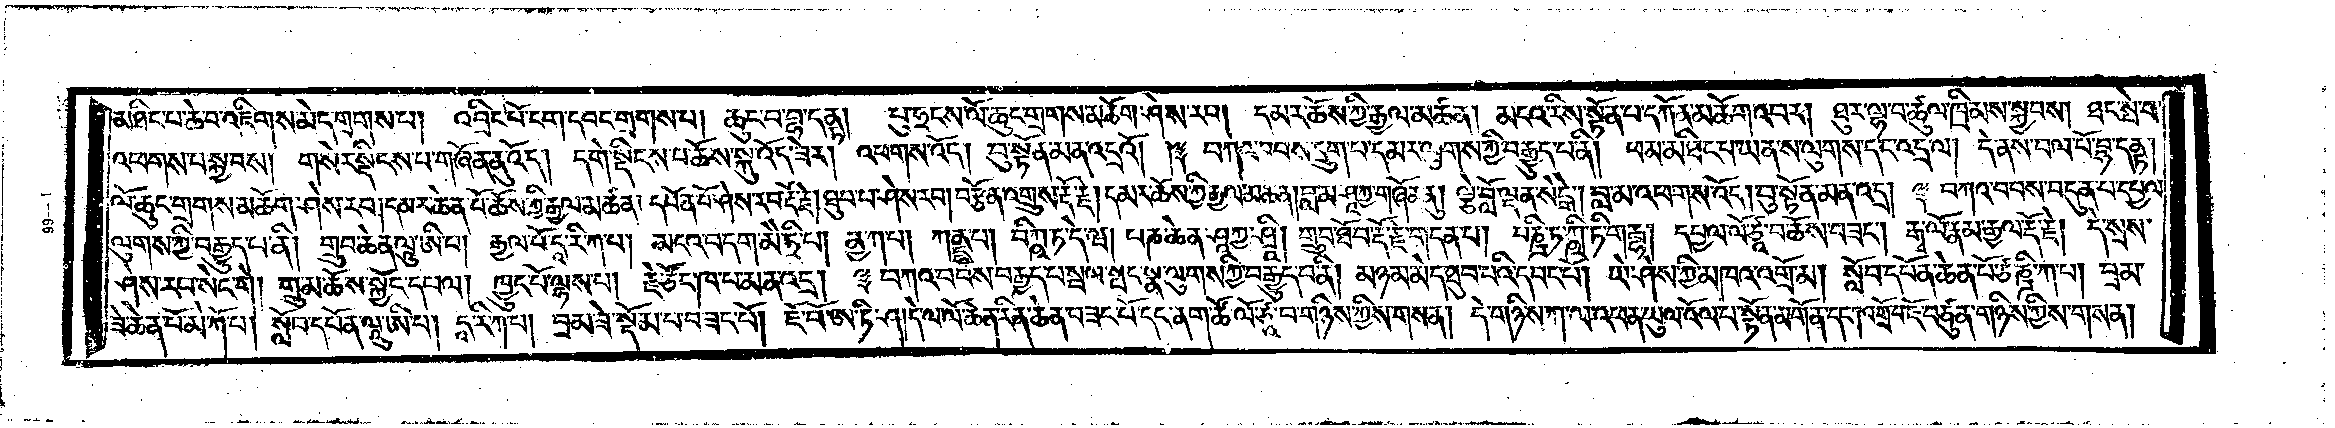མཐིང་པ་ཆེ་བ་འཇིགས་མེད་གྲགས་པ། འབྲིང་པོ་ངག་དབང་གྲགས་པ། ཆུང་བ་བྷ་དནྟ། །པུ་ཧྲངས་ལོ་ཆུང་གྲགས་མཆོག་ཤེས་རབ། དམར་ཆོས་ཀྱི་རྒྱལ་མཚན། མངའ་རིས་སྟོན་པ་དཀོན་མཆོག་འབར། ཐུར་ལྷ་བ་ཚུལ་ཁྲིམས་སྐྱབས། ཐང་སྤེ་བ་
འཕགས་པ་སྐྱབས། གསེར་སྡིངས་པ་གཞོན་ནུ་འོད། དགེ་སྡིངས་པ་ཆོས་སྐུ་འོད་ཟེར། འཕགས་འོད། བུ་སྟོན་མན་འདྲའོ། །འ་བཀའ་བབས་དྲུག་པ་དམར་ལུགས་ཀྱི་བརྒྱུད་པ་ནི། ཕམ་མཐིང་པ་ཡན་ས་ལུགས་དང་འདྲ་ལ། དེ་ནས་བལ་པོ་བྷ་དནྟ།
ལོ་ཆུང་གྲགས་མཆོག་ཤེས་རབ། དམར་ཆེན་པོ་ཆོས་ཀྱི་རྒྱལ་མཚན། དཔོན་པོ་ཤེས་རབ་རྡོ་རྗེ། ཐུབ་པ་ཤེས་རབ། བརྩོན་འགྲུས་རྡོ་རྗེ། དམར་ཆོས་ཀྱི་རྒྱལ་མཚན། བླ་མ་ཤཱཀྱ་གཞོན་ནུ། ལྕེ་བློ་ལྡན་སེངྒེ། བླ་མ་འཕགས་འོད། བུ་སྟོན་མན་འདྲ། ༈ བཀའ་བབས་བདུན་པ་དཔྱལ་
ལུགས་ཀྱི་བརྒྱུད་པ་ནི། གྲུབ་ཆེན་ལཱུ་ཨི་པ། རྒྱལ་པོ་དཱ་རི་ཀ་པ། མངའ་བདག་མཻ་ཏྲི་པ། ནྱ་ཀ་པ། ཀནྡྷ་པ། བིཀྵ་ཏ་དེ་ཝ། པཎ་ཆེན་ཤཱཀྱ་ཤྲཱི། གྲུབ་ཐོབ་རྡོ་རྗེ་གདན་པ། པཎྜི་ཏ་ཀྵི་ཏི་གརྡྷ། དཔྱལ་ལོ་ཙཱ་བ་ཆོས་བཟང་། རྒྭ་ལོ་རྣམ་རྒྱལ་རྡོ་རྗེ། དེ་སྲས་
ཤེས་རབ་སེང་གེ། གྲུ་མ་ཆོས་སྐྱོང་དཔལ། ཁྱུང་པོ་ལྷས་པ། རྗེ་ཙོང་ཁ་པ་མན་འདྲ། འ་བཀའ་བབས་བརྒྱད་པ་སྤལ་སྦང་སྣ་ལུགས་ཀྱི་བརྒྱུད་བ་ནི། མཉམ་མེད་ཐུབ་པའི་དབང་པོ། ཡེ་ཤེས་ཀྱི་མཁའ་འགྲོ་མ། སློབ་དཔོན་ཆེན་པོ་ཙཎྜི་ཀ་པ། བྲམ་
ཟེ་ཆེན་པོ་མེ་ཀོ་པ། སློབ་དཔོན་ལཱུ་ཨི་པ། དཱ་རི་ཀ་པ། བྲམ་ཟེར་སྡོམ་པ་བཟང་པོ། ཇོ་བོ་ཨ་ཏི་ཤ། དེ་ལ་ལོ་ཚན་རིན་ཆེན་བཟང་པོ་དང་ནག་ཚོ་ལོ་ཙཱ་བ་གཉིས་ཀྱིས་གསན། དེ་གཉིས་ཀ་ལ་འཕན་ཡུལ་འོལ་པ་སྟོན་མགོན་དང་། འགྲོ་བ་ཇོ་བཙུན་གཉིས་ཀྱིས་གསན།